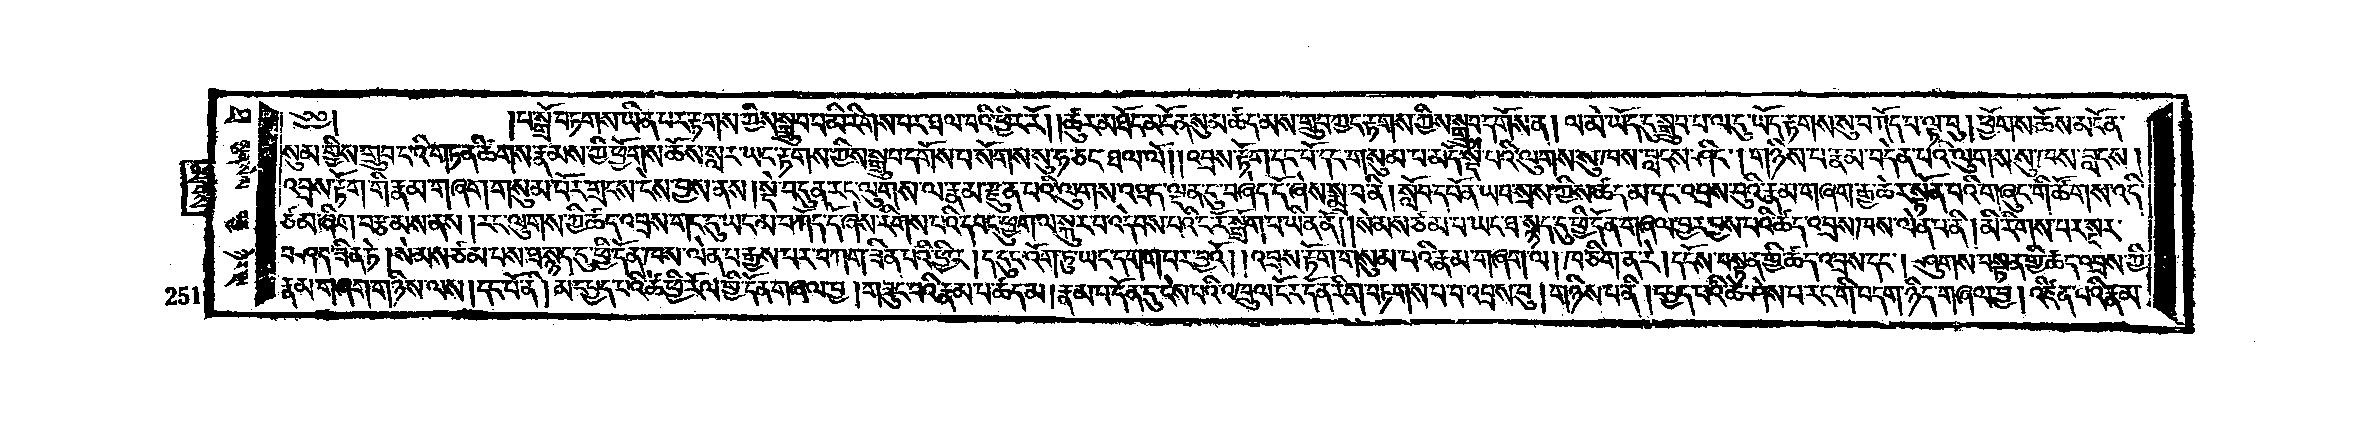༄༅། །པ་སྒྲོ་བཏགས་ཡིན་པར་རྟགས་ཀྱིས་སྒྲུབ་པ་མི་རིགས་པར་ཐལ་བའི་ཕྱིར་རོ། །ཚུར་མཐོང་མངོན་སུམ་ཚད་མས་གྲུབ་ཀྱང་རྟགས་ཀྱིས་སྒྲུབ་དགོས་ན། ལ་མེ་ཡོད་དུ་སྒྲུབ་པ་ལ་དུ་ཡོད་རྟགས་སུ་བཀོད་པ་ལྟ་བུ། ཕྱོགས་ཆོས་མངོན་
སུམ་གྱིས་གྲུབ་པའི་གཏན་ཚིགས་རྣམས་ཀྱི་ཕྱོགས་ཆོས་སླར་ཡང་རྟགས་ཀྱིས་སྒྲུབ་དགོས་པ་སོགས་སུ་ཧ་ཅང་ཐལ་ལོ། །འབྲས་རྟོག་དང་པོ་དང་གསུམ་པ་མདོ་སྡེ་པའི་ལུགས་སུ་ཁས་བླངས་ཤིང་། གཉིས་པ་རྣམ་བདེན་པའི་ལུགས་སུ་ཁས་བླངས།
འབྲས་རྟོག་གི་རྣམ་གཞག་གསུམ་པོར་གྲངས་ངེས་བྱས་ནས། སྡེ་བདུན་རང་ལུགས་ལ་རྣམ་རྫུན་པའི་ལུགས་འཐད་ལྡན་དུ་བཞེད་དོ་ཞེས་སྨྲ་བ་ནི། སློབ་དཔོན་ཡབ་སྲས་ཀྱིས་ཚད་མ་དང་འབྲས་བུའི་རྣམ་གཞག་རྒྱ་ཆེར་སྟོན་པའི་གཞུང་གི་ཚོགས་འདི་
ཙམ་ཞིག་བརྩམས་ནས། རང་ལུགས་ཀྱི་ཚད་འབྲས་གང་དུ་ཡང་མ་བཀོད་དོ་ཞེས་རིགས་པའི་དབང་ཕྱུག་ལ་སྐུར་པ་འདེབས་པའི་ང་རོ་སྒྲོག་པ་ཡིན་ནོ། །སེམས་ཙམ་པ་ཡང་ཐ་སྙད་དུ་ཕྱི་དོན་གཞལ་བྱར་བྱས་པའི་ཚད་འབྲས་ཁས་ལེན་པ་ནི། མི་རིགས་པར་སྔར་
བཤད་ཟིན་ཏེ། སེམས་ཙམ་པས་ཐ་སྙད་དུ་ཕྱི་དོན་ཁས་ལེན་པ་རྒྱས་པར་བཀག་ཟིན་པའི་ཕྱིར། ད་དུང་འོག་ཏུ་ཡང་དགག་པར་བྱའོ། །འབྲས་རྟོག་གསུམ་པའི་རྣམ་གཞག་ལ། ཁ་ཅིག་ན་རེ། དངོས་བསྟན་གྱི་ཚད་འབྲས་དང་། ཤུགས་བསྟན་གྱི་ཚད་འབྲས་ཀྱི་
རྣམ་གཞག་གཉིས་ལས། དང་པོ་ནི། མ་དཔྱད་པའི་ཚེ་ཕྱི་རོལ་གྱི་དོན་གཞལ་བྱ། གཟུང་བའི་རྣམ་པ་ཚད་མ། རྣམ་པ་དོན་དུ་ངེས་པའི་འཁྲུལ་ངོར་དོན་རིག་བཏགས་པ་བ་འབྲས་བུ། གཉིས་པ་ནི། དཔྱད་པའི་ཚེ་ཤེས་པ་རང་གི་བདག་ཉིད་གཞལ་བྱ། འཛིན་པའི་རྣམ་